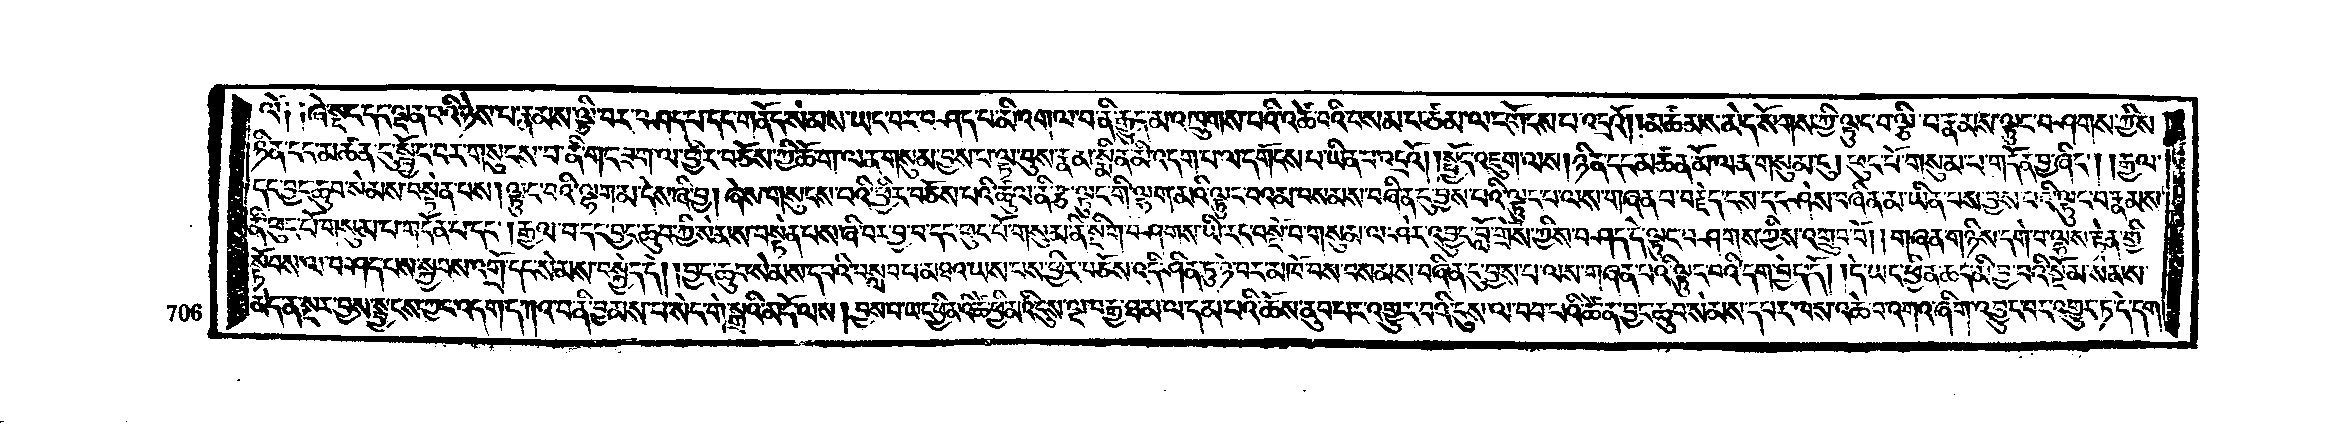ལོ༑ ༑ཞེ་སྡང་དང་ལྡན་པའི་ཉེས་པ་རྣམས་ལྕི་བར་བཤད་པ་དང་གནོད་སེམས་ཡང་བར་བཤད་པ་མི་འགལ་བ་ནི་རྒྱུད་མ་འཁྲུགས་པའི་འཚེ་བའི་བསམ་པ་ཙམ་ལ་དགོངས་པ་འདྲའོ། །མཚམས་མེད་སོགས་ཀྱི་ལྟུང་བ་ལྕི་བ་རྣམས་ལྟུང་བཤགས་ཀྱིས་
ཉིན་དང་མཚན་དུ་སྦྱོང་བར་གསུངས་པ་ནི་གང་ཟག་ལ་ཕྱིར་བཅོས་ཀྱི་ཆོ་ག་ལན་གསུམ་བྱས་པ་ལྟ་བུས་རྣམ་སྨིན་མི་འདག་པ་ལ་དགོངས་པ་ཡིན་པ་འདྲའོ། །སྤྱོད་འཇུག་ལས། ཉིན་དང་མཚན་མོ་ལན་གསུམ་དུ། ཕུང་པོ་གསུམ་པ་གདོན་བྱ་ཞིང་། །རྒྱལ་
དང་བྱང་ཆུབ་སེམས་བསྟེན་པས། ལྟུང་བའི་ལྷག་མ་དེས་ཞི་བྱ། ཞེས་གསུངས་པའི་ཕྱིར་བཅོས་པའི་ཚུལ་ནི་རྩ་ལྟུང་གི་ལྷག་མའི་ལྟུང་བའམ་བསམས་བཞིན་དུ་བྱས་པའི་ལྟུང་པ་ལས་གཞན་པ་བརྗེད་ངས་དང་ཤེས་བཞིན་མ་ཡིན་པས་བྱས་པའི་ལྟུང་བ་རྣམས་
ནི་ཕུང་པོ་གསུམ་པ་གདོན་པ་དང་། རྒྱལ་བ་དང་བྱང་ཆུབ་ཀྱི་སེམས་བསྟེན་པས་ཞི་བར་བྱ་བ་དང་ཕུང་པོ་གསུམ་ནི་སྡིག་བཤགས་ཡི་རང་བསྔོ་བ་གསུམ་ལ་ཤེར་འབྱུང་བློ་གྲོས་ཀྱིས་བཤད་དེ་ལྟུང་བཤགས་ཀྱིས་འགྲུབ་བོ། །གཞན་གཉིས་དགེ་བ་ལྷས་རྟེན་གྱི་
སྟོབས་ལ་བཤད་པས་སྐྱབས་འགྲོ་དང་སེམས་བསྐྱེད་དེ། །བྱང་ཆུབ་སེམས་དཔའི་བསླབ་པ་མཐའ་ཡས་པས་ཕྱིར་བཅོས་འདི་ཤིན་ཏུ་ཉེ་བར་མཁོ་བས་བསམས་བཞིན་དུ་བྱས་པ་ལས་གཞན་པའི་ལྟུང་བའི་དག་བྱེད་དོ། །དེ་ཡང་ཕྱིན་ཆད་མི་བྱ་བའི་སྡོམ་སེམས་
མེད་ན་སྔར་བྱས་སྦྱངས་ཀྱང་འདག་དཀའ་བ་ནི་བྱམས་པ་སེང་གེ་སྒྲའི་མདོ་ལས། བྱས་པ་ཡང་ཕྱི་མའི་ཚེ་ཕྱི་མའི་དུས་ལྔ་བརྒྱ་ཐམ་ལ་དམ་པའི་ཆོས་ནུབ་པར་འགྱུར་བའི་དུས་ལ་བབ་པའི་ཚེ་ན་བྱང་ཆུབ་སེམས་དཔར་ཁས་འཆེ་བ་འགའ་ཞིག་འབྱུང་བར་འགྱུར་ཏ་དེ་དག་